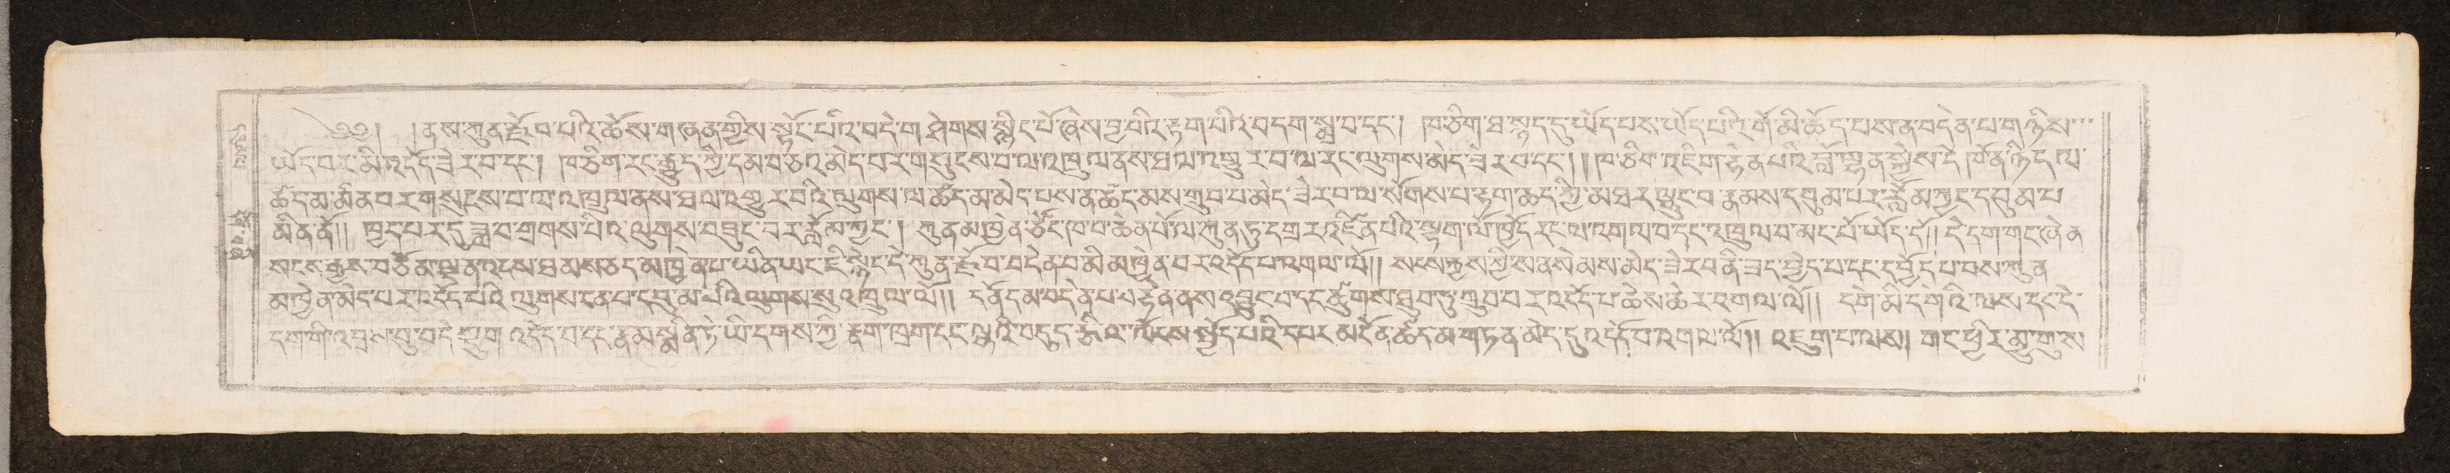༄༅། །ནས་ཀུན་རྫོབ་པའི་ཆོས་གཞན་གྱིས་སྟོང་བའི་བདེ་གཤེགས་སྙིང་པོ་ཞེས་བྱ་བའི་རྟག་པའི་བདག་སྨྲ་བ་དང་། ཁ་ཅིག་ཐ་སྙད་དུ་ཡོད་པས་ཡོད་པའི་གོ་མི་ཆོད་པས་ན་བདེན་པ་གཉིས་
ཡོད་པར་མི་འདོད་ཟེར་བ་དང་། ཁ་ཅིག་རང་རྒྱུད་ཀྱི་དམ་བཅའ་མེད་པར་གསུངས་པ་ལ་འཁྲུལ་ནས་ཐལ་འགྱུར་བ་ལ་རང་ལུགས་མེད་ཟེར་བ་དང་། ཁ་ཅིག་འཇིག་རྟེན་པའི་བློ་ལྷན་སྐྱེས་དེ་ཁོ་ན་ཉིད་ལ་
ཚད་མ་མིན་པར་གསུངས་པ་ལ་འཁྲུལ་ནས་ཐལ་འགྱུར་བའི་ལུགས་ལ་ཚད་མ་མེད་པས་ན་ཚང་མས་གྲུབ་པ་མེད་ཟེར་བ་ལ་སོགས་པ་རྟག་ཆད་ཀྱི་མཐར་ལྷུང་བ་རྣམས་དབུམ་པར་རློམ་ཀྱང་དབུ་མ་པ་
མིན་ནོ།། ཁྱད་པར་དུ་ཟླ་བ་གྲགས་པའི་ལུགས་བཟུང་བར་རློམ་ཀྱང་། ཀུན་མཁྱེན་ཙོང་ཁ་པ་ཆེན་པོ་ལ་ཀུན་ཏུ་དགྲར་འཛིན་པའི་སྟག་ལོ་ཁྱོད་རང་ལ་འགལ་བ་དང་འཁྲུལ་བ་མང་པོ་ཡོད་དོ།། དེ་དག་གང་ཞེ་ན་
སངས་རྒྱས་བཅོམ་ལྡན་འདས་ཐམས་ཅད་མཁྱེན་པ་ཡིན་ཡང་ཇི་སྙེད་དེ་ཀུན་རྫོབ་བདེན་པ་མི་མཁྱེན་པར་འདོད་པ་འགལ་ལོ།། སངས་རྒྱས་ཀྱི་ས་སེམས་མེད་ཟེར་བ་ནི་ཟད་བྱེད་པ་དང་དཔྱོད་པ་བས་ཀུན་
མཁྱེན་མེད་པར་འདོད་པའི་ལུགས་ངན་པ་དབུ་མ་པའི་ལུགས་སུ་འཁྲུལ་ལོ།། དོན་དམ་བདེན་པ་བརྟེན་ནས་འབྱུང་བ་དང་ཚུགས་ཐུབ་ཏུ་གྲུབ་པར་འདོད་པ་ཆེས་ཆེར་འགལ་ལོ།། དགེ་མི་དགེའི་ལས་དང་དེ་
དག་གི་འབྲས་བུ་བདེ་སྡུག་འདོད་པ་དང་རྣམ་སྨིན་ཏེ་ཡི་དགས་ཀྱི་རང་ཁྲག་དང་ལྷའི་བདུད་རྩི་ལ་ལོང་སྤྱོད་པའི་དབང་མངོན་ཚད་མ་གཏན་མེད་དུ་འདོད་པ་འགལ་ལོ།། འཇུག་པ་ལས། གང་ཕྱིར་མྱུ་གུ་ས་